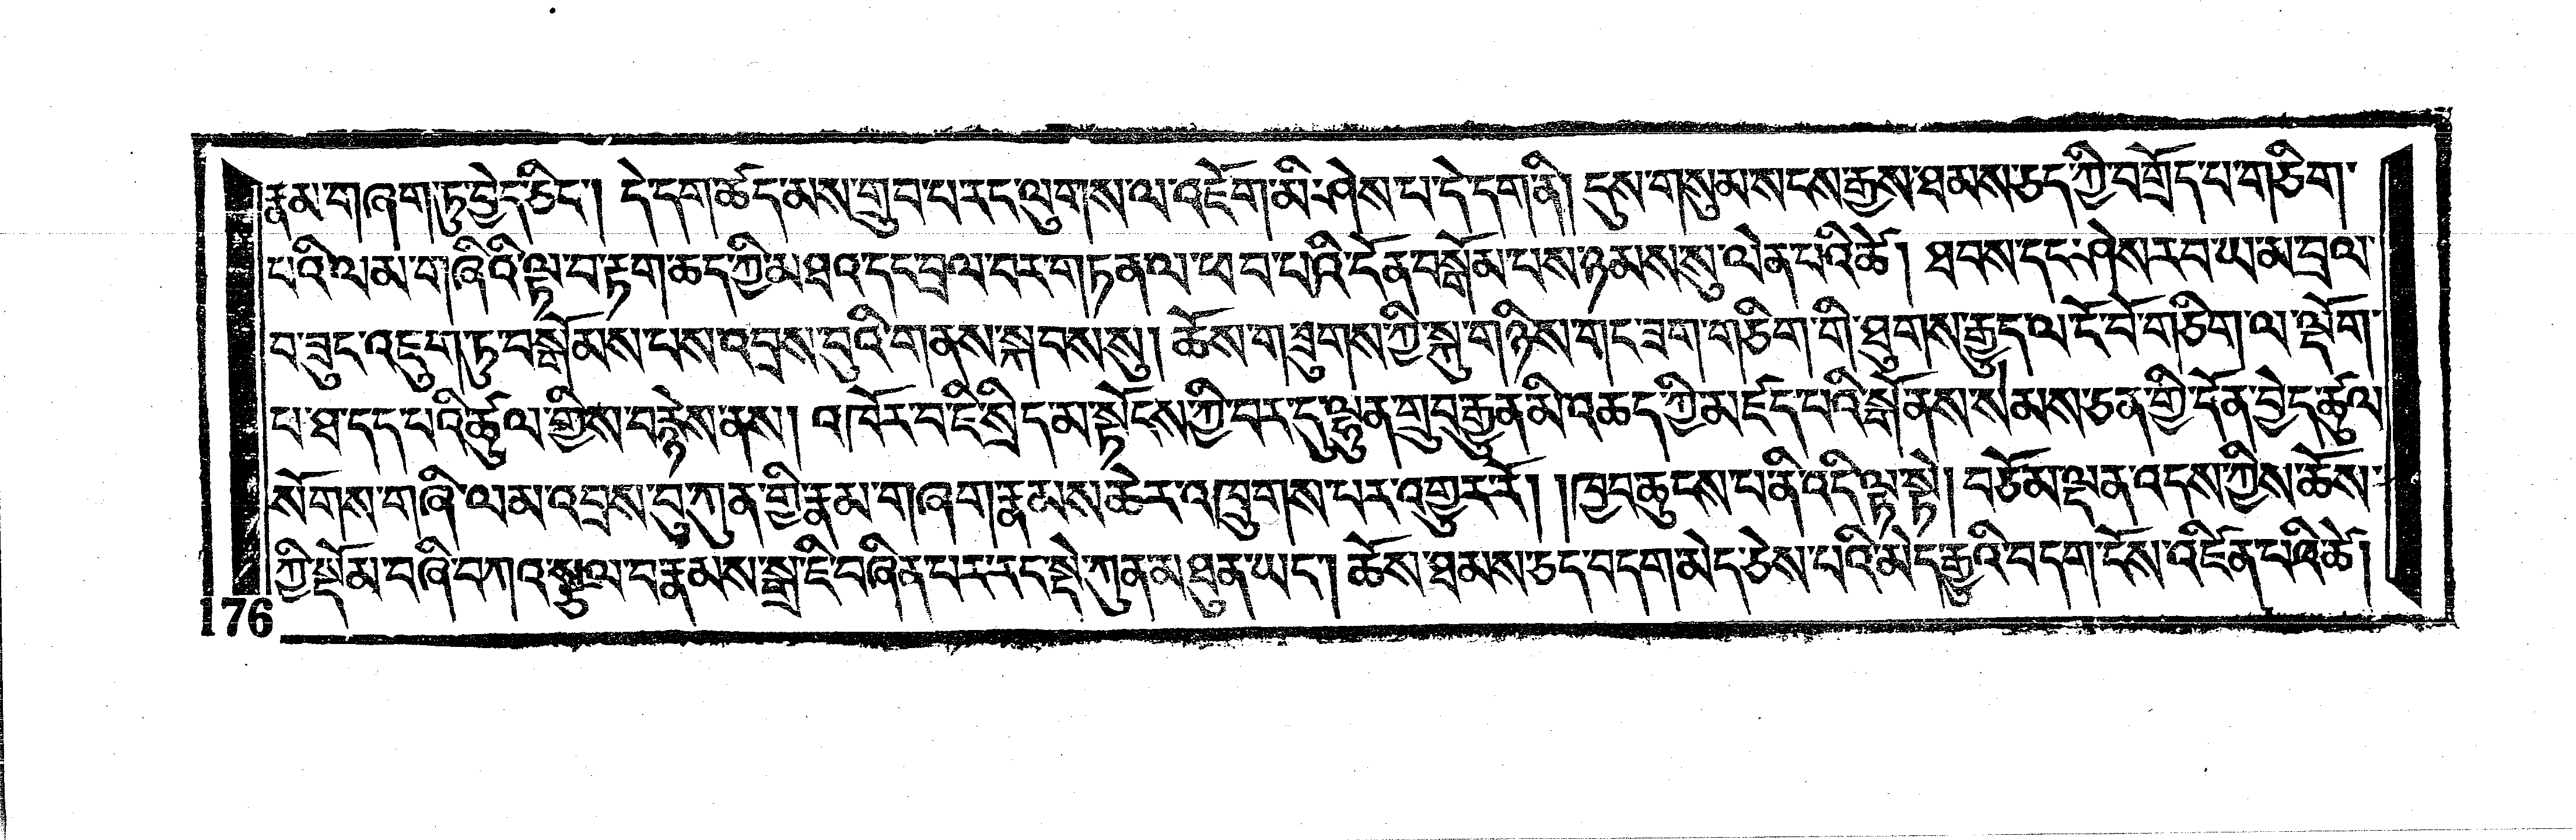རྣམ་གཞག་ཏུ་བྱེད་ཅིང་། དེ་དག་ཚད་མས་གྲུབ་པ་རང་ལུགས་ལ་འཇོག་མི་ཤེས་པ་དེ་དག་ནི། དུས་གསུམ་སངས་རྒྱས་ཐམས་ཅད་ཀྱི་བགྲོད་པ་གཅིག་
པའི་ལམ་གཞིའི་ལྟ་བ་རྟག་ཆད་ཀྱི་མཐའ་དང་བྲལ་བར་གཏན་ལ་ཕབ་པའི་དོན་བསྒོམ་པས་ཉམས་སུ་ལེན་པའི་ཚེ། ཐབས་དང་ཤེས་རབ་ཡ་མ་བྲལ་
བ་ཟུང་འཇུག་ཏུ་བསྒོམས་པས་འབྲས་བུའི་གནས་སྐབས་སུ། ཆོས་གཟུགས་ཀྱི་སྐུ་གཉིས་གང་ཟག་གཅིག་གི་ཐུགས་རྒྱུད་ལ་ངོ་བོ་གཅིག་ལ་ལྡོག་
པ་ཐ་དད་པའི་ཚུལ་གྱིས་བརྙེས་ནས། འཁོར་བ་ཇི་སྲིད་མ་སྟོངས་ཀྱི་བར་དུ་ལྷུན་གྲུབ་རྒྱུན་མི་འཆད་ཀྱི་མཛད་པའི་སྒོ་ནས་སེམས་ཅན་གྱི་དོན་བྱེད་ཚུལ་
སོགས་གཞི་ལམ་འབྲས་བུ་ཀུན་གྱི་རྣམ་གཞག་རྣམས་ཆེར་འཁྲུགས་པར་འགྱུར་རོ། །ཁྱབ་ཆུངས་པ་ནི་འདི་ལྟ་སྟེ། བཅོམ་ལྡན་འདས་ཀྱིས་ཆོས་
ཀྱི་སྡོམ་བཞི་བཀའ་སྩལ་བ་རྣམས་སྒྲ་ཇི་བཞིན་པར་རང་སྡེ་ཀུན་མཐུན་ཡང་། ཆོས་ཐམས་ཅད་བདག་མེད་ཅེས་པའི་མེད་རྒྱུའི་བདག་ངོས་འཛིན་པའི་ཚེ།